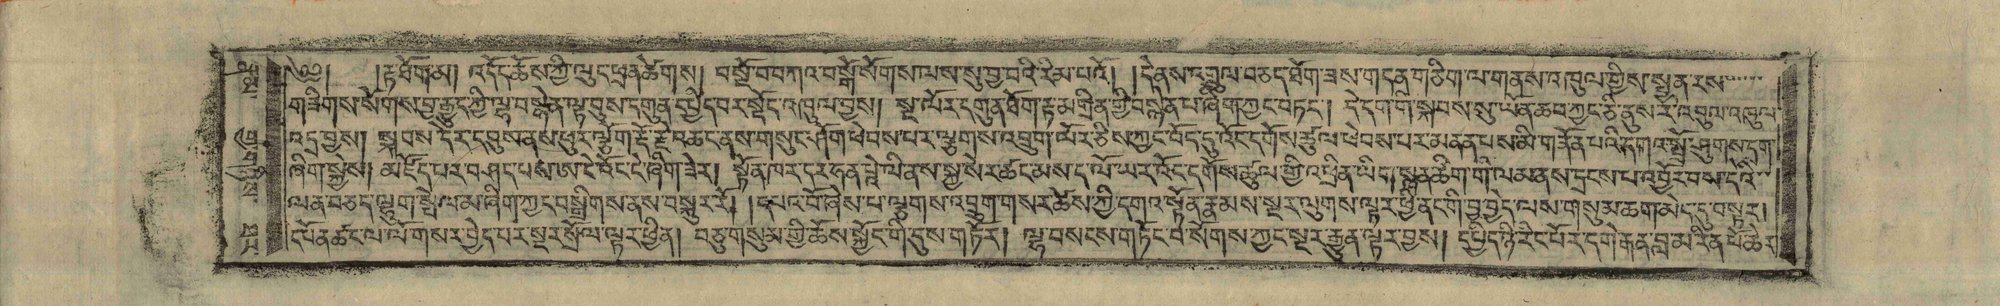༄༅། །རྟ་ཐོག་མ། འདོད་ཆོས་ཀྱི་ལུང་ཕྲན་ཚེགས། བསྔོ་བ་བཀའ་བསྒོ་སོགས་ལས་སུ་བྱ་བའི་རིམ་པའོ། །དེ་ནས་འགྲུལ་བཅད་ཐོག་ཟས་གདན་གཅིག་ལ་གནས་འཁུལ་གྱིས་སྤྱན་རས་
གཟིགས་སོགས་བྱ་རྒྱུད་ཀྱི་ལྷ་བསྙེན་ལྟ་བུས་དགུན་དཔྱིད་བར་སྡོད་འཁུལ་བྱས། སྔ་ལོར་དགུན་ཐོག་རྟ་མགྲིན་གྱི་བསྙེན་པ་ཞིག་ཀྱང་བཏང་། དེ་དག་གི་སྐབས་སུ་ཡོན་ཆབ་ཀྱང་ཅི་ནུས་རེ་འབུལ་འཁུལ་
འདྲ་བྱས། སྐབས་དེར་དབུས་ནས་ཕུར་ལྕོག་རྡོ་རྗེ་འཆང་ནས་གསུང་ཤོག་ཕེབས་པར་ལྕགས་འབྲུག་ལོར་ཅིས་ཀྱང་བོད་དུ་འོང་དགོས་ཚུལ་ཕེབས་པར་མནན་པས་མི་གནོན་པའི་དགའ་སྤྲོ་ཤུགས་དྲག་
ཞིག་སྐྱེས། མཛོད་པར་བཤད་པས་ཨ་ངེ་འོང་ངེ་ཞིག་ཟེར། སྟོན་ཁར་དར་ཧན་པE་ལི་ནས་སྐྱ་སེར་ཚང་མས་ད་ལོ་ཡར་འོང་དགོས་ཚུལ་གྱི་འཕྲིན་ཡིག་སྙན་ཚིག་གི་ལམ་ནས་དྲངས་པ་འབྱོར་བས་དེའི་
ལན་བཅད་ལྷུག་སྤེལ་མ་ཞིག་ཀྱང་བསྒྲིགས་ནས་བསྐུར་རོ། །དཔའ་བོ་ཞེས་པ་ལྕགས་འབྲུག་གསར་ཚེས་ཀྱི་དགའ་སྟོན་རྣམས་སྔར་ལུགས་ལྟར་ཕྱི་ནང་གི་བྱ་བྱེད་ལས་གསུམ་ཆག་མེད་དུ་བསྟར།
དཔོན་ཚང་ལ་ལོ་གསར་བྱེད་པར་སྔར་སྲོལ་ལྟར་ཕྱིན། བཅུ་གསུམ་གྱི་ཆོས་སྐྱོང་གི་དུས་གཏོར། ལྷ་བསངས་གཏོང་བ་སོགས་ཀྱང་སྔར་རྒྱུན་ལྟར་བྱས། དཔྱིད་ཉི་རིང་པོར་དགེ་རྒན་བླ་མ་རིན་པོ་ཆེར་